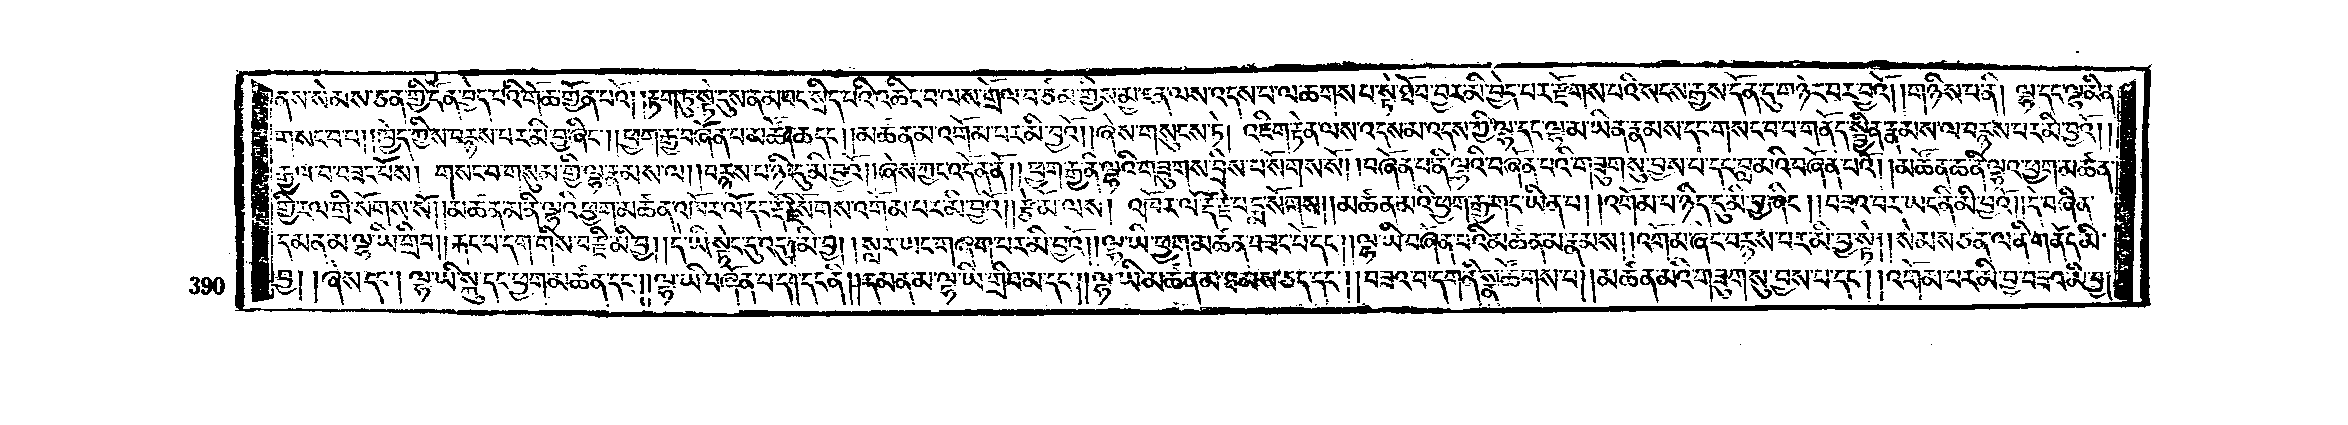ནས་སེམས་ཅན་གྱི་དོན་བྱེད་པའི་གོ་ཆ་གྱོན་པའོ། །རྟག་ཏུ་སྟེ་དུས་ནམ་ཡང་སྲིད་པའི་འཆིང་བ་ལས་གྲོལ་བ་ཙམ་གྱིས་མྱ་ངན་ལས་འདས་པ་ལ་ཆགས་པ་སྟེ་ཐོབ་བྱར་མི་བྱེད་པར་རྫོགས་པའི་སངས་རྒྱས་དོན་དུ་གཉེར་བར་བྱའོ། །གཉིས་པ་ནི། ལྷ་དང་ལྷ་མིན་
གསང་བ་པ། །ཁྱེད་ཀྱིས་བརྙས་པར་མི་བྱ་ཞིང་། །ཕྱག་རྒྱ་བཞོན་པ་མཚོན་ཆ་དང་། །མཚན་མ་འགོམ་པར་མི་བྱའོ། །ཞེས་གསུངས་ཏེ། འཇིག་རྟེན་ལས་འདས་མ་འདས་ཀྱི་ལྷ་དང་ལྷ་མ་ཡིན་རྣམས་དང་གསང་བ་པ་གནོད་སྦྱིན་རྣམས་ལ་བརྙས་པར་མི་བྱའོ།།
རྒྱལ་བ་བཟང་པོས། གསང་བ་གསུམ་གྱི་ལྷ་རྣམས་ལ། །བརྙས་པ་ཉིད་དུ་མི་བྱའོ། །ཞེས་ཀྱང་འདོན་ནོ། །ཕྱག་རྒྱ་ནི་ལྷའི་གཟུགས་བྲིས་པ་སོགས་སོ། །བཞོན་པ་ནི་ལྷའི་བཞོན་པའི་གཟུགས་སུ་བྱས་པ་དང་བླ་མའི་བཞོན་པའོ། །མཚོན་ཆ་ནི་ལྷའི་ཕྱག་མཚན་
གྱི་རལ་གྲི་སོགས་སོ། །མཚན་མ་ནི་ལྷའི་ཕྱག་མཚན་འཁོར་ལོ་དང་རྡོ་རྗེ་སོགས་འགོམ་པར་མི་བྱའོ། །རྩེ་མོ་ལས། འཁོར་ལོ་རྡོ་རྗེ་པདམ་སོགས། །མཚན་མའི་ཕྱག་རྒྱ་གང་ཡིན་པ། །འགོམ་པ་ཉིད་དུ་མི་བྱ་ཞིང་། །བཟའ་བར་ཡང་ནི་མི་བྱའོ། །དེ་བཞིན་
དམན་མ་ལྷ་ཡི་གྲིབ། །རྐང་པ་དག་གིས་བརྗི་མི་བྱ། །དེ་ཡི་སྟེང་དུ་འདུ་མི་བྱ། །སླར་ཡང་གཞག་པར་མི་བྱའོ། །ལྷ་ཡི་ཕྱག་མཚན་བཟང་པོ་དང་། །ལྷ་ཡི་བཞོན་པའི་མཚན་མ་རྣམས། །འགོམ་ཞིང་བརྙས་པར་མི་བྱ་སྟེ། །སེམས་ཅན་ལ་ནི་གནོད་མི་
བྱ། །ཞེས་དང་། ལྷ་ཡི་སྐུ་དང་ཕྱག་མཚན་དང་། །ལྷ་ཡི་བཞོན་པ་དག་དང་ནི། །དམན་མ་ལྷ་ཡི་གྲིབ་མ་དང་། །ལྷ་ཡི་མཚན་མ་ཐམས་ཅད་དང་། །བཟའ་བ་དག་ནི་སྣ་ཚོགས་པ། །མཚན་མའི་གཟུགས་སུ་བྱས་པ་དང་། །འགོམ་པར་མི་བྱ་བཟའ་མི་བྱ། །